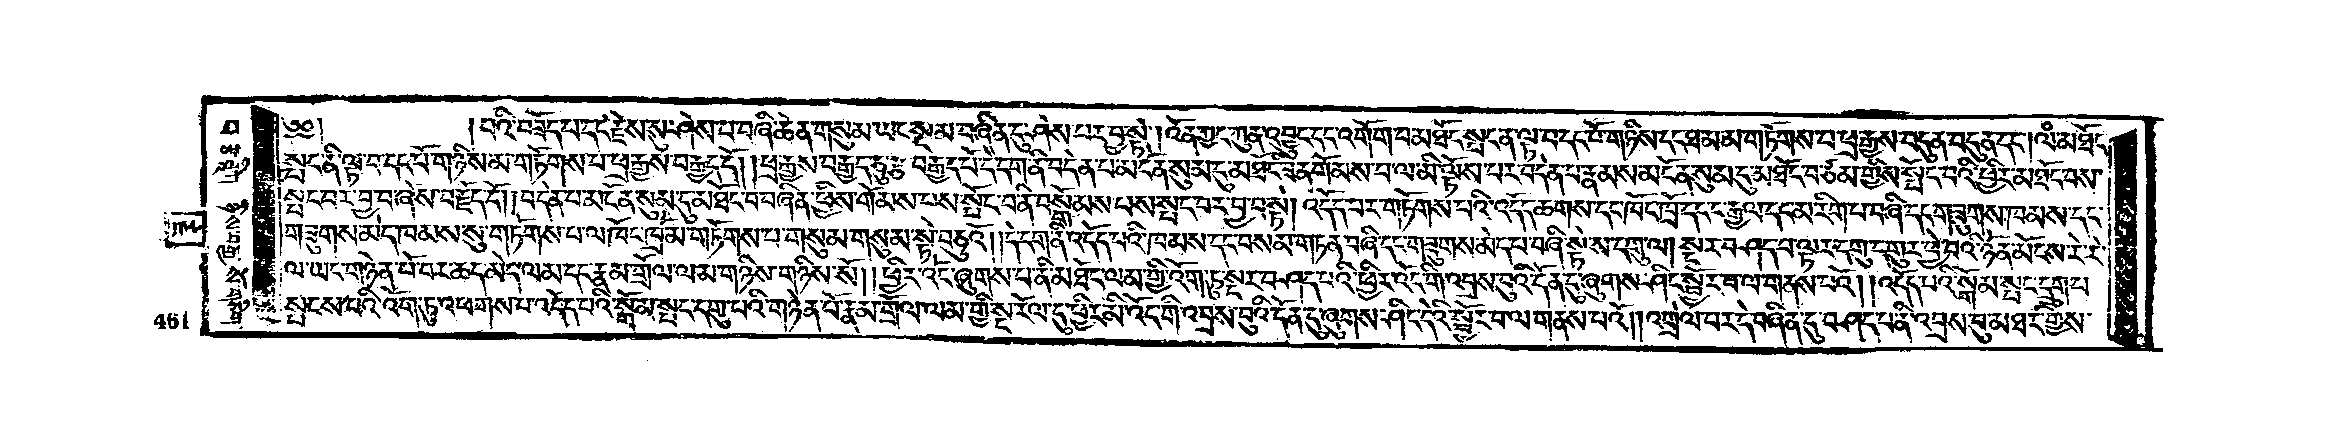༄༅། །པའི་བཟོད་པ་དང་རྗེས་སུ་ཤེས་པ་བཞི་ཆན་གསུམ་ཡང་སྔ་མ་བཞིན་དུ་ཤེས་པར་བྱ་སྟེ། འོན་ཀྱང་ཀུན་འབྱུང་དང་འགོག་པ་མཐོང་སྤང་ན་ལྟ་བ་དང་པོ་གཉིས་དང་ཐ་མ་མ་གཏོགས་པ་ཕྲ་རྒྱས་བདུན་བདུན་དང་། ལཾ་མཐོང་
སྤང་ནི་ལྟ་བ་དང་པོ་གཉིས་མ་གཏོགས་པ་ཕྲ་རྒྱས་བརྒྱད་དོ། །ཕྲ་རྒྱས་བརྒྱད་ཅུ་རྩ་བརྒྱད་པོ་དེ་དག་ནི་བདེན་པ་མངོན་སུམ་དུ་མཐོང་ཟིན་གོམས་པ་ལ་མི་ལྟོས་པར་བདེན་པ་རྣམས་མངོན་སུམ་དུ་མཐོང་བ་ཙམ་གྱིས་སྤོང་བའི་ཕྱིར་མཐོང་བས་
སྤང་བར་བྱ་བ་ཞེས་བརྗོད་དོ། །བདེན་པ་མངོན་སུམ་དུ་མཐོང་བ་བཞིན་ཕྱིས་གོམས་པས་སྤོང་བ་ནི་བསྒོམས་པས་སྤང་བར་བྱ་བ་སྟེ། འདོད་པར་གཏོགས་པའི་འདོད་ཆགས་དང་ཁོང་ཁྲོ་དང་ང་རྒྱལ་དང་མ་རིག་པ་བཞི་དང་གཟུགས་ཁམས་དང་
གཟུགས་མེད་ཁམས་སུ་གཏོགས་པ་ལ་ཁོང་ཁྲོ་མ་གཏོགས་པ་གསུམ་གསུམ་སྟེ་བཅུའོ། །དེ་དག་ནི་འདོད་པའི་ཁམས་དང་བསམ་གཏན་བཞི་དང་གཟུགས་མེད་པ་བཞི་སྟེ་ས་དགུ་ལ། སྔར་བཤད་པ་ལྟར་དགུ་དགུར་ཕྱེ་བའི་ཉོན་མོངས་རེ་རེ་
ལ་ཡང་གཉེན་པོ་བར་ཆད་མེད་ལམ་དང་རྣམ་གྲོལ་ལམ་གཉིས་གཉིས་སོ། །ཕྱིར་འོང་ཞུགས་པ་ནི་མཐོང་ལམ་གྱི་འོག་ཏུ་སྔར་བཤད་པའི་ཕྱིར་འོང་གི་འབྲས་བུའི་དོན་དུ་ཞུགས་ཤིང་སྦྱོར་བ་ལ་གནས་པའོ། །འདོད་པའི་སྒོམ་སྤང་དྲུག་པ་
སྤངས་པའི་འོག་ཏུ་འཕགས་པ་འདོད་པའི་སྒོམ་སྤང་དགུ་པའི་གཉེན་པོ་རྣམ་གྲོལ་ལམ་གྱི་སྔ་རོལ་དུ་ཕྱིར་མི་འོང་གི་འབྲས་བུའི་དོན་དུ་ཞུགས་ཤིང་དེའི་སྦྱོར་བ་ལ་གནས་པའོ། །འགྲེལ་བར་དེ་བཞིན་དུ་བཤད་པ་ནི་འབྲས་བུ་མཐར་གྱིས་